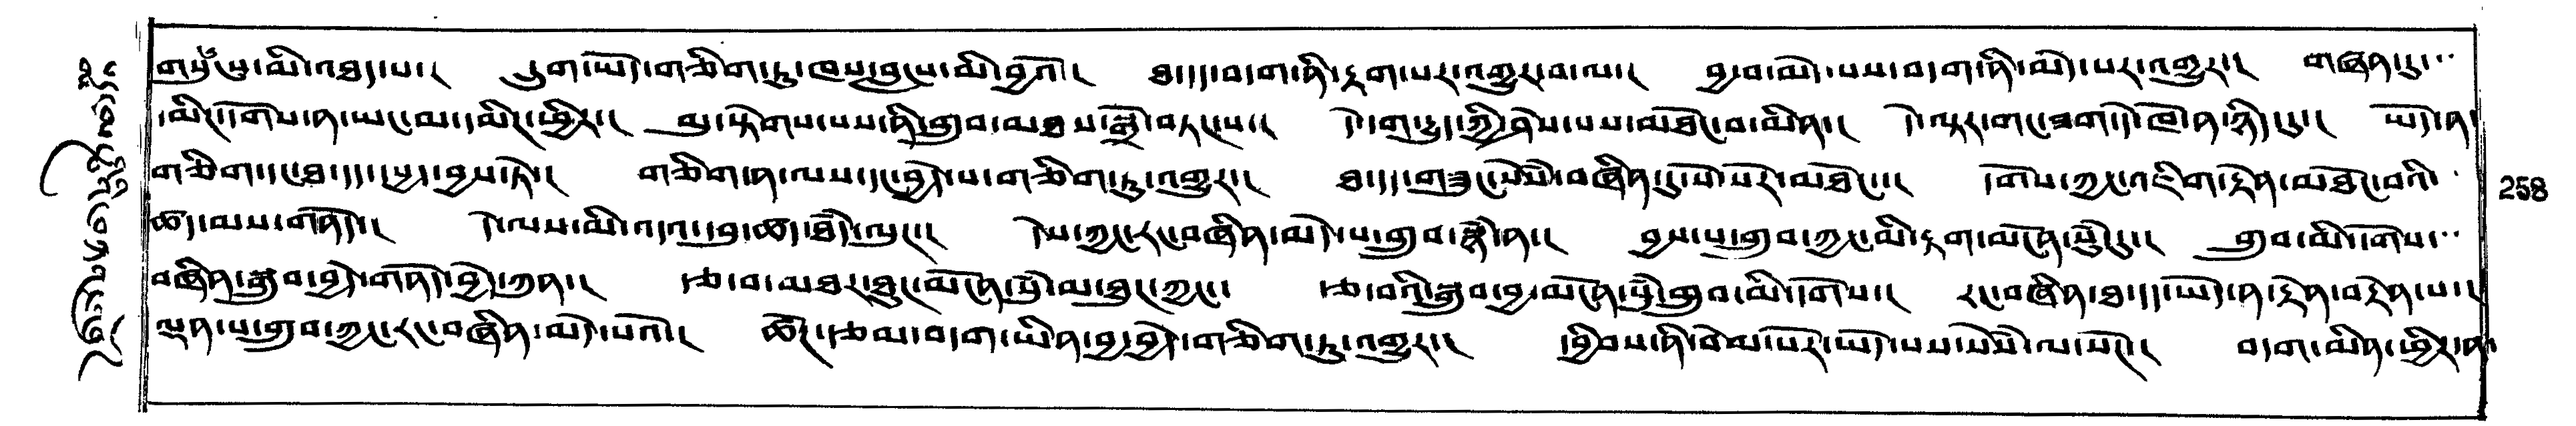གསུངས་མི་འཐད་པ། །དྲུག་ཡོད་གཅིག་ཏུ་ཁས་བླངས་མི་བྱའོ། །ཐ་དད་བདག་ནི་རྟག་པར་འགྱུར་བ་ལ། །བྱ་བ་མེད་པས་བདག་ནི་མེད་པར་འགྱུར། །གཞན་དུ་
དམིགས་དགོས་ན་ཡང་མ་དམིགས་ཕྱིར། །མུ་སྟེགས་པས་ནི་གྲུབ་མཐས་སྒྲོ་བཏགས་པ། །དེ་དག་རྒྱུད་ཀྱི་ཤེས་པས་མཐོང་བ་མིན། །དེ་ལྟར་གང་ཟག་དེ་ཁོ་ན་ཉིད་དུ། །ཡོད་ན་
གཅིག་དང་ཐ་དད་དཔྱད་བྱས་ཏེ། །གཅིག་ན་ལས་དང་བྱེད་པ་གཅིག་ཏུ་འགྱུར། །ཐ་དད་གཟུགས་སེམས་བཞིན་དུ་སོ་སོར་མཐོང་། །དགོས་ཀྱང་འཇིག་རྟེན་མཐོང་བའི་
ཚད་མས་གནོད། །དེ་ལས་མི་འདའ་དབུ་ཚད་ཐམས་ཅད་ལུགས། །དེས་ཀྱང་རང་བཞིན་མེད་པ་གྲུབ་སྙམ་ན། །བྱས་པ་གྲུབ་ཀྱང་མི་རྟག་མངོན་སུམ་དུ། །གྲུབ་མི་དགོས་
བཞིན་སྒྲུབ་བྱེད་གནོད་བྱེད་ཀུན། །རྩ་བ་མཐར་ཐུག་མངཽན་སུམ་ལ་ཐུག་ཀྱང་། །རྩ་བའི་བསྒྲུབ་བྱ་མངོན་སུམ་གྲུབ་མི་དགོས། །རང་བཞིན་ཐ་དད་ཡོད་ན་རྟེན་བརྟེན་པ། །
ལྡན་པ་གྲུབ་ཀྱང་རང་བཞིན་མེད་པའོ། །ཚོགས་ཙམ་བདག་ཡིན་བྱ་བྱེད་གཅིག་ཏུ་འགྱུར། །དབྱིབས་ནི་བེམ་པོར་ཡོད་པས་སེམས་ལ་སོགས། །བདག་མིན་ཕྱིར་ན་